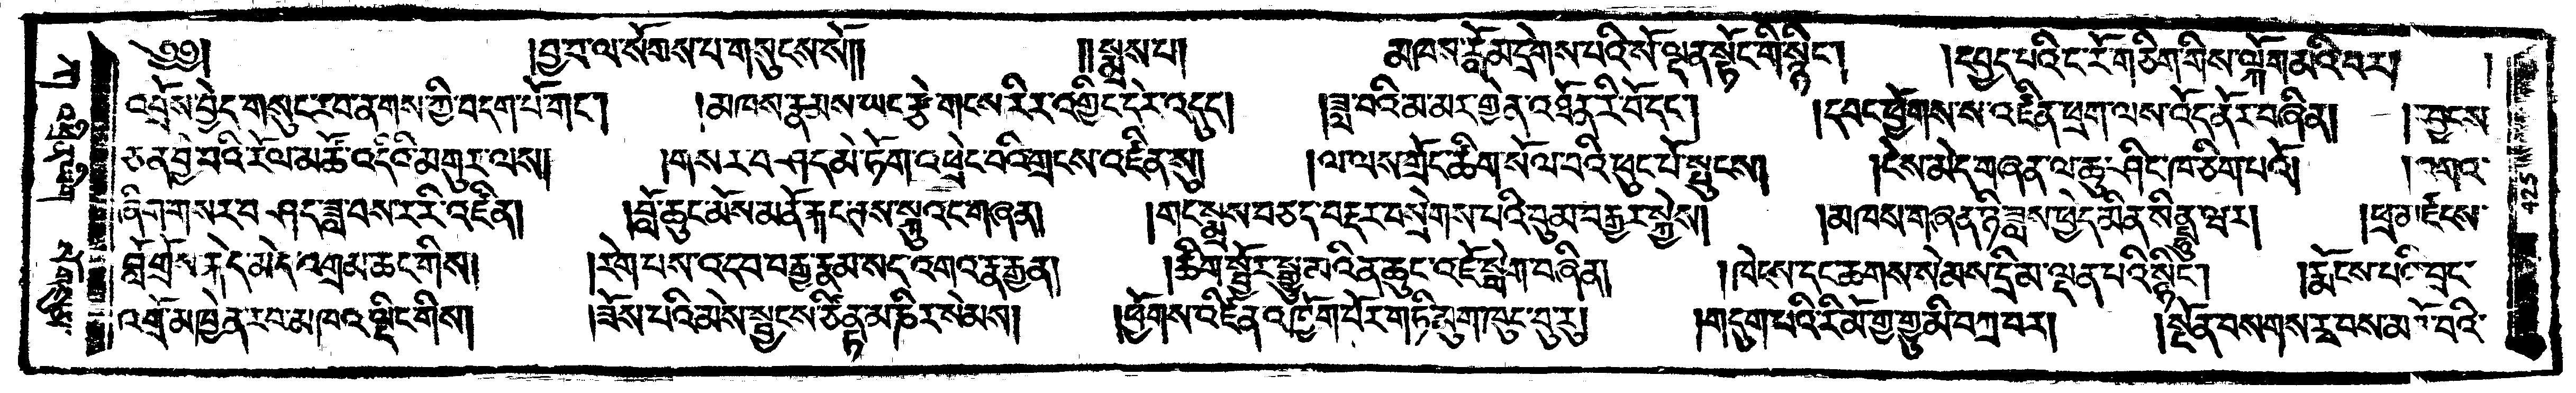༄༅། །བྱ་བ་ལ་སོགས་པ་གསུངས་སོ།། །།སྨྲས་པ། མཁས་རློམ་དྲེགས་པའི་སོ་ལྡན་སྟོང་གི་སྙིང་། །དབྱད་པའི་ང་རོ་གཅིག་གིས་ལྐོག་མའི་བར། །
འབྲོས་བྱེད་གསུངས་རབ་ནགས་ཀྱི་བདག་པོ་གང་། །མཁས་རྣམས་ཡང་རྩེ་གངས་རིར་འགྱིང་དེར་འདུད། །ཟླ་བའི་མ་མར་གྱེན་འཐོན་རི་བོ་དང་། །དབང་ཕྱོགས་ས་འཛིན་ཕྲག་ལས་འོད་ནོར་བཞིན། །བྱངས་
ཅན་བྱེ་བའི་རོལ་མཚོ་འདིའི་མགུར་ལས། །གསར་བཤད་མེ་ཏོག་འཕྲེང་བའི་གྲངས་འཛིན་སུ། །ལ་ལས་གྲོང་ཚིག་སོལ་བའི་ཕུང་པོ་སྤུངས། །ངེས་མེད་གཞན་ལ་ཆུ་ཤིང་ཁ་ཅིག་པའོ། །འགའ་
ཞིག་གསར་བཤད་ཟླ་བས་ར་རི་འཛིན། །བློ་ཆུང་མོས་མནོ་རྐང་ཊས་སྐུའང་གཞན། །གང་སྨྲ་བཅད་བརྡར་བསྲེགས་པའི་བུམ་བརྒྱར་སྐྱེས། །མཁས་གཞན་ཉི་ཟླས་ཕྱེད་མིན་སིནྡྷུ་ཝར། །ཕྲ་མཛངས་
བློ་གྲོས་རྐེད་མེད་འགྲམ་ཆང་གིས། །རེག་པས་འདབ་བརྒྱ་རྣམ་སད་འགའ་རྣ་རྒྱན། །ཚིག་སྦྱོར་སྒྱུ་མའི་ན་ཆུང་འཇོ་སྒེག་བཞིན། །ཁེངས་དང་ཆགས་སེམས་དྲི་མ་ལྡན་པའི་སྙིང་། །རྨོངས་པའི་བྲང་
འགྲོ?་མཁྱེན་རབ་མཁའ་ལྡིང་གིས། །ཟོས་པའི་མེས་སྦྱངས་ཙིནྟ་མ་ཎིར་སེམས། །ཕྱོགས་འཛིན་འཁྱོག་བོར་གཏི་མུག་ཁུང་བུ་རུ། །གདུག་པའི་རི་མོ་གྱ་གྱུ་མི་འྐྲ་བར། །སྔོན་བསགས་རྭ་བསམ་མོ་བའི་